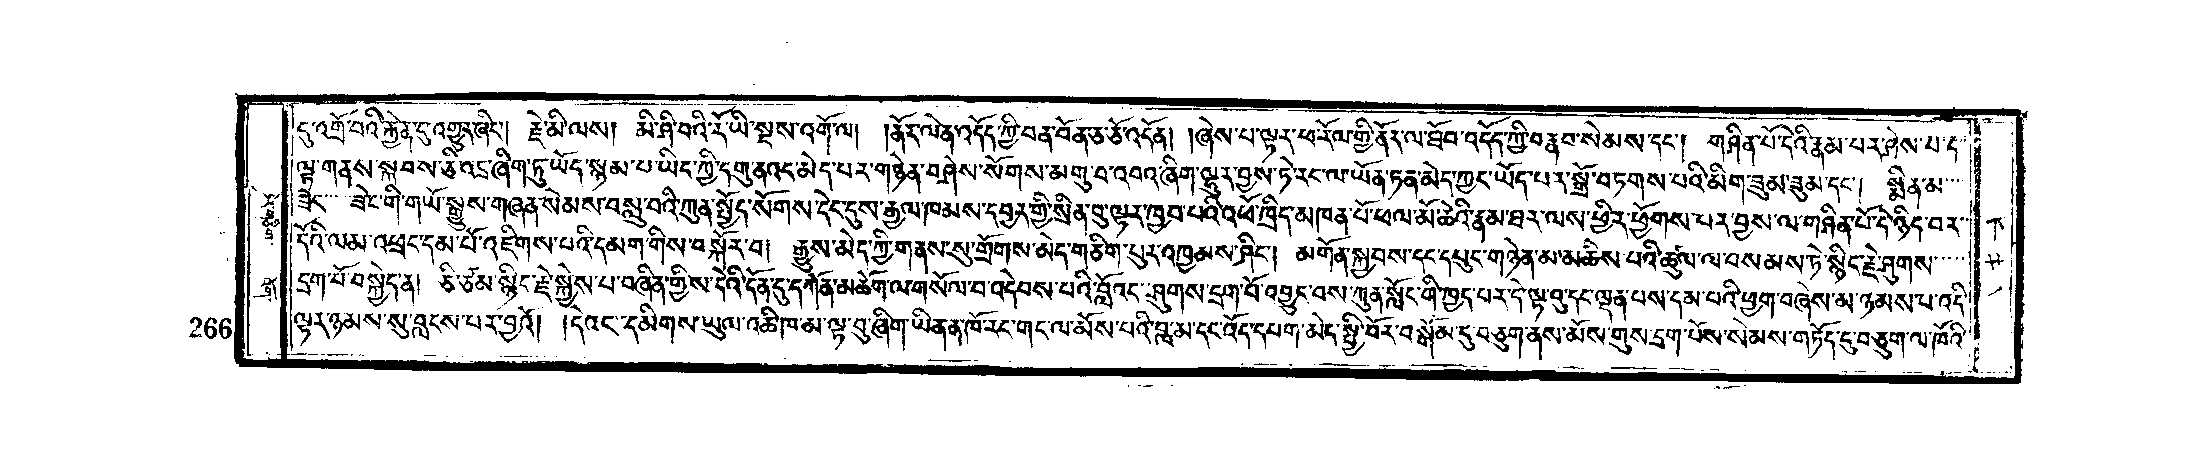དུ་འགྲོ་བའི་རྐྱེན་དུ་འགྱུར་ཞིང་། རྗེ་མི་ལས། མི་ཤི་བའི་རོ་ཡི་སྔས་འགོ་ལ། །ནོར་ལེན་འདོད་ཀྱི་བན་བོན་ཅ་ཅོ་འདོན། །ཞེས་པ་ལྟར་ཕ་རོལ་གྱི་ནོར་ལ་ཐོབ་འདོད་ཀྱི་བརྣབ་སེམས་དང་། གཤིན་པོ་དེའི་རྣམ་པར་ཤེས་པ་ད་
ལྟ་གནས་སྐབས་ཅི་འདྲ་ཞིག་ཏུ་ཡོད་སྙམ་པ་ཡིད་ཀྱི་དགུ་ནའང་མེད་པར་གཉེན་བཤེས་སོགས་མགུ་བ་འབའ་ཞིག་ལྷུར་བྱས་ཏེ་རང་ལ་ཡོན་ཏན་མེད་ཀྱང་ཡོད་པར་སྒྲོ་བཏགས་པའི་མིག་ཟུམ་ཟུམ་དང་། སྨིན་མ་
ཟེང་ཟེང་གི་གཡོ་སྒྱུས་གཞན་སེམས་བསླུ་བའི་ཀུན་སྤྱོད་སོགས་དེང་དུས་རྒྱལ་ཁམས་དབྱར་གྱི་སྲིན་བུ་ལྟར་ཁྱབ་པའི་འཕོ་ཁྲིད་མཁན་པོ་ཕལ་མོ་ཆེའི་རྣམ་ཐར་ལས་ཕྱིར་ཕྱོགས་པར་བྱས་ལ་གཤིན་པོ་དེ་ཉིད་བར་
དོའི་ལམ་འཕྲང་དམ་པོ་འཇིགས་པའི་དམག་གིས་བསྐོར་བ། རྒྱུས་མེད་ཀྱི་གནས་སུ་གྲོགས་མེད་གཅིག་པུར་འཁྱམས་ཤིང་། མགོན་སྐྱབས་དང་དཔུང་གཉེན་མ་མཆིས་པའི་ཚུལ་ལ་བསམས་ཏེ་སྙིང་རྗེ་ཤུགས་
དྲག་པོ་བསྐྱེད་ན། ཅི་ཙམ་སྙིང་རྗེ་སྐྱེས་པ་བཞིན་གྱིས་དེའི་དོན་དུ་དཀོན་མཆོག་ལ་གསོལ་བ་འདེབས་པའི་བློའང་ཤུགས་དྲག་པོ་འབྱུང་བས་ཀུན་སློང་གི་ཁྱད་པར་དེ་ལྟ་བུ་དང་ལྡན་པས་དམ་པའི་ཕྱག་བཞེས་མ་ཉམས་པ་འདི་
ལྟར་ཉམས་སུ་བླངས་པར་བྱའོ། །དེའང་དམིགས་ཡུལ་འཆི་ཁ་མ་ལྟ་བུ་ཞིག་ཡིན་ན་ཁོ་རང་གང་ལ་མོས་པའི་བླ་མ་དང་འོད་དཔག་མེད་སྤྱི་བོར་བསྒོམ་དུ་བཅུག་ནས་མོས་གུས་དྲག་པོས་སེམས་གཏོད་དུ་བཅུག་ལ་ཁོའི་